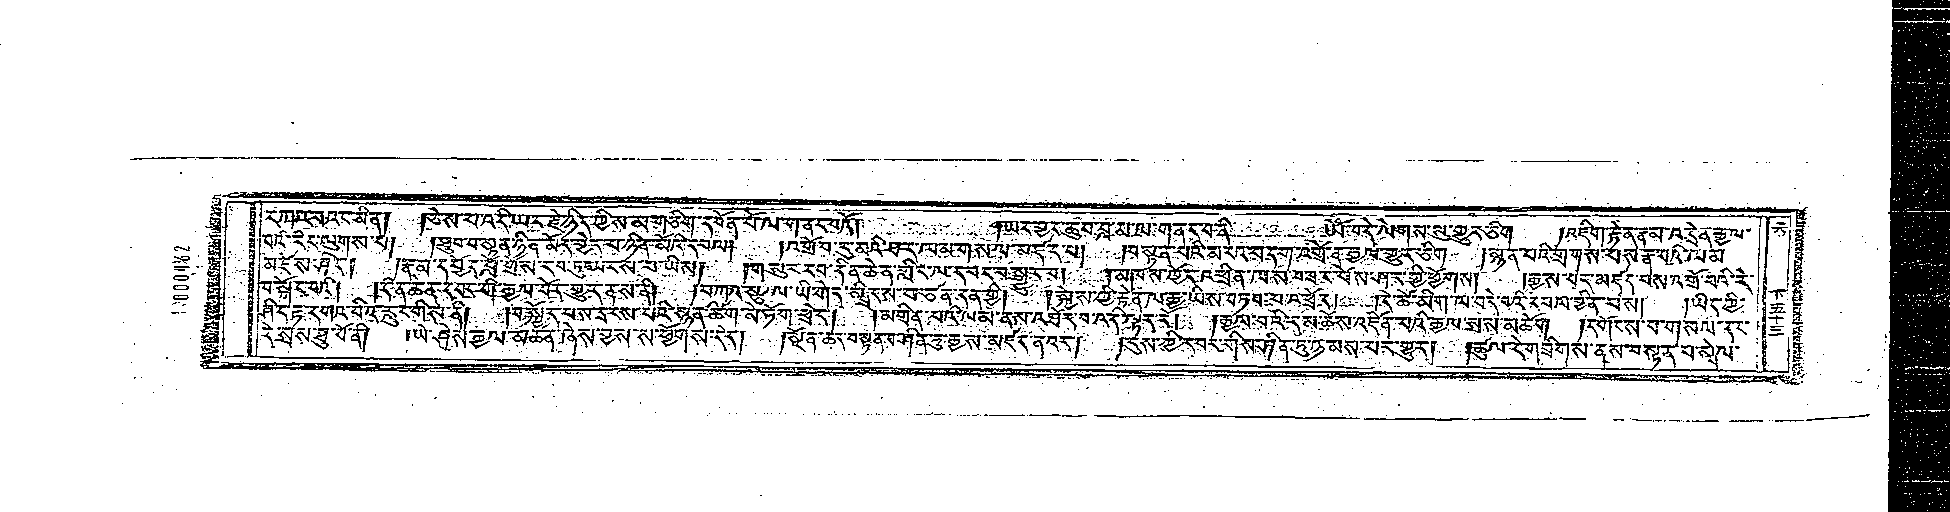དཀའ་བའང་མིན། །ཅེས་པ་འདི་ཡང་རྗེ་ཉིད་ཀྱིས་མ་གཅིག་དཔོན་པོ་ལ་གནང་བའོ། །ཡང་བྱང་ཆུབ་བླ་མ་ལ་གནང་བ་ནི། ཨོཾ་བདེ་ལེགས་སུ་གྱུར་ཅིག །འཇིག་རྟེན་རྣམ་འདྲེན་རྒྱལ་
བའི་རིང་ལུགས་པ། ཐུབ་བསྟན་ཉིན་མོར་བྱེད་པ་ཉིན་མོའི་དཔལ། འགྲོ་བ་དུ་མའི་ཐར་ལམ་གསལ་མཛད་པ། །བསྟན་པའི་མངའ་བདག་འགྲོ་ན་རྒྱལ་གྱུར་ཅིག །སྙན་པའི་གྲགས་པས་རྣ་བའི་ལམ་
མཛེས་ཤིང་། །རྣམ་དཔྱོད་བློ་གྲོས་རབ་ཏུ་ཡངས་པ་ཡིས། གསུང་རབ་རིན་ཆེན་གླིང་ལ་དབང་བསྒྱུར་བ། །མཁས་ཁྱོད་འཕྲིན་ལས་བཟང་པོས་ཤར་གྱི་ཕྱོགས། །རྒྱས་པར་མཛད་པས་འགྲོ་བའི་རེ་
བསྐོང་བའི། །རིན་ཆེན་དབང་གི་རྒྱལ་པོར་གྱུར་ནས་ནི། །བཀའ་སྩལ་ཡི་གེར་སྤྲིངས་པ་ཙན་དང་ཡི། །སྐྱེས་ཀྱི་རྟེན་ལ་རྒྱ་ཡིས་བཏབ་པ་འཕྲོད། དེ་ཚེ་མིག་ལ་བདེ་བའི་དཔལ་བྱིན་པས། །ཡིད་ཀྱི་
ཤིང་རྟ་དགའ་བའི་རླུང་གིས་ནི། །བསྐྱོད་པས་དྲངས་པའི་སྙན་ཚིག་མེ་ཏོག་ཕྲེང་། །མགྲིན་པའི་ལམ་ནས་འཐོར་བ་འདི་ལྟར་རོ། །རྒྱལ་བའི་དམ་ཆོས་འཛིན་པའི་རྒྱལ་སྲས་མཆོག །དགོངས་པ་གསལ་དང་
དེ་སྲས་ཐུ་བོ་ནི། །ཡེ་ཤེས་རྒྱལ་མཚན་ཞེས་བྱས་ས་ཕྱོགས་དེར། །སྔོན་ཆད་བསྟན་པ་ཤིན་ཏུ་རྒྱས་མཛད་ནའང་། །དུས་ཀྱི་དབང་གིས་ཤིན་ཏུ་ཉམས་པར་གྱུར། །ཚུལ་དེ་གཟིགས་ནས་བསྟན་པ་སྤེལ་